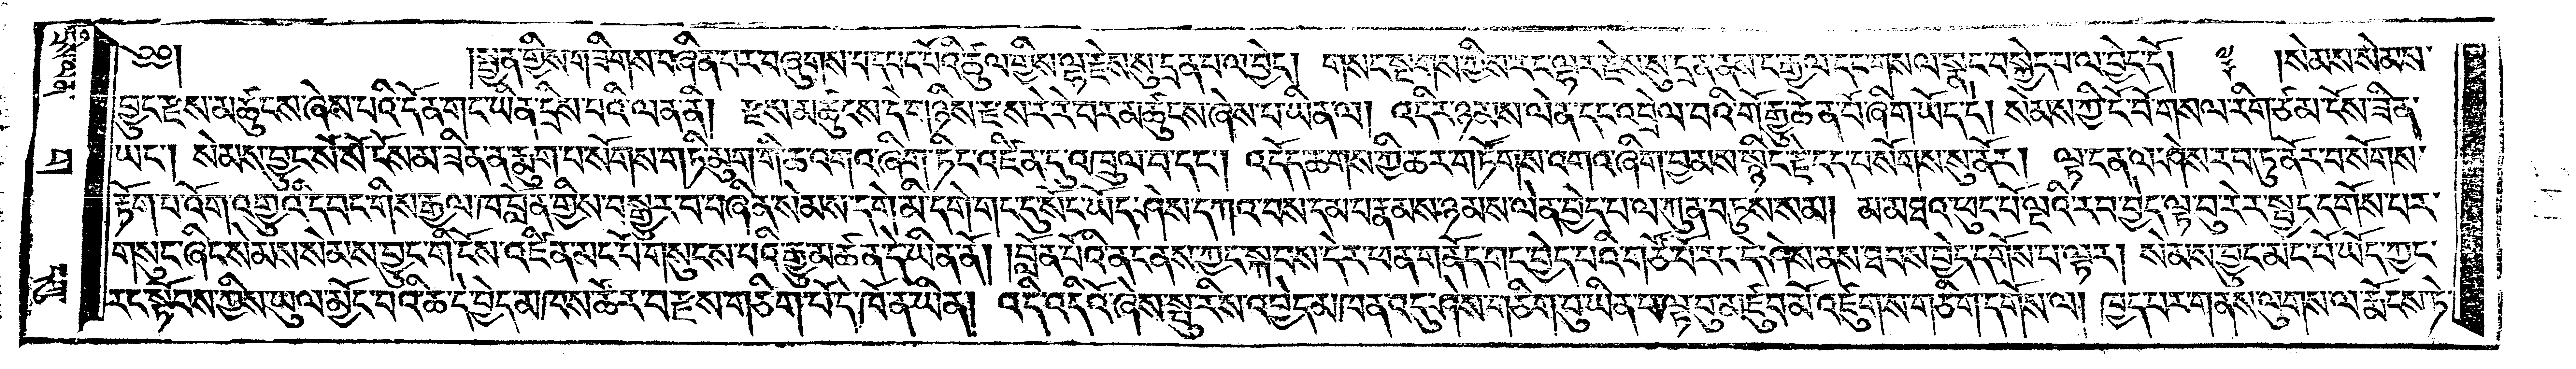༄༅། །སྤྱན་གྱིས་གཟིགས་བཞིན་པར་བཞུགས་པ་དཔང་པོའི་ཚུལ་གྱིས་ལྷ་རྗེས་སུ་དྲན་པ་ལ་བྱེད། གསང་སྔགས་ཀྱིས་རང་ལྷར་རྗེས་སུ་དྲན་ནས་ང་རྒྱལ་དང་གསལ་སྣང་བསྐྱེད་པ་ལ་བྱེད་དོ། ༈ །སེམས་སེམས་
བྱུང་རྫས་མཚུངས་ཞེས་པའི་དོན་གང་ཡིན་དྲིས་པའི་ལན་ནི། རྫས་མཚུངས་དེ་གཉིས་རྫས་རེ་རེ་བར་མཚུངས་ཞེས་པ་ཡིན་ལ། འདིར་ཉམས་ལེན་དང་འབྲེལ་བའི་གོ་རྒྱུ་ཆེན་པོ་ཞིག་ཡོད་དེ། སེམས་ཀྱི་ངོ་བོ་གསལ་རིག་ཙམ་ངོས་ཟིན་
ཡང་། སེམས་བྱུང་སོ་སོ་ངོས་མ་ཟིན་ན་རྨུག་པ་སོགས་གཏི་མུག་གི་ཆ་འགའ་ཞིག་ཏིང་འཛིན་དུ་འཁྲུལ་བ་དང་། འདོད་ཆགས་ཀྱི་ཆར་གཏོགས་འགའ་ཞིག་བྱམས་སྙིང་རྗེ་དད་པ་སོགས་སུ་ནོར། ལྟ་ངན་ལ་ཤེས་རབ་ཏུ་ནོར་བ་སོགས་
རྟོག་པ་འོག་འགྱུའི་དབང་གིས་རྒྱལ་ཁ་བློན་གྱིས་བསྒྱུར་བ་བཞིན་སེམས་དགེ་མི་དགེ་གང་དུ་སོང་ཡོད་ཤེས་དཀའ་བས་དམ་པ་རྣམས་ཉམས་ལེན་བྱེད་པ་ལ་ཀུན་བཏུས་སམ། མ་མཐའ་ཕུང་པོ་ལྔའི་རབ་བྱེད་ལྟ་བུ་རེར་སྦྱང་དགོས་པར་
གསང་ཞིང་སེམས་སེམས་བྱུང་གི་ངོས་འཛིན་མང་པོ་གསུངས་པའི་རྒྱུ་མཚན་དེ་ཡིན་ནོ། །བློན་པོའི་ནང་ནས་ཀྱང་སྐབས་དེར་ཕན་གནོད་གང་བྱེད་པའི་གཙོ་བོ་རང་དེ་ཤེས་ནས་ཐབས་བྱེད་དགོས་པ་ལྟར། སེམས་བྱུང་མང་པོ་ཡོད་ཀྱང་
རང་སྟོབས་ཀྱིས་ཡུལ་མྱོང་བའི་ཆ་དེ་བྱེད་མཁས་ཚོར་བརྫས་གཅིག་པོ་དེ་ཁོ་ན་ཡིན། འདི་འདིའོ་ཞེས་སྤུ་རིས་འབྱེད་མཁན་འདུ་ཤེས་གཅིག་པུ་ཡིན་པ་ལྟ་བུ་མཛུབ་མོ་འཛུགས་གཅིག་དགོས་ལ། ཁྱད་པར་གནས་ལུགས་ལ་རྨོངས་ཏེ་